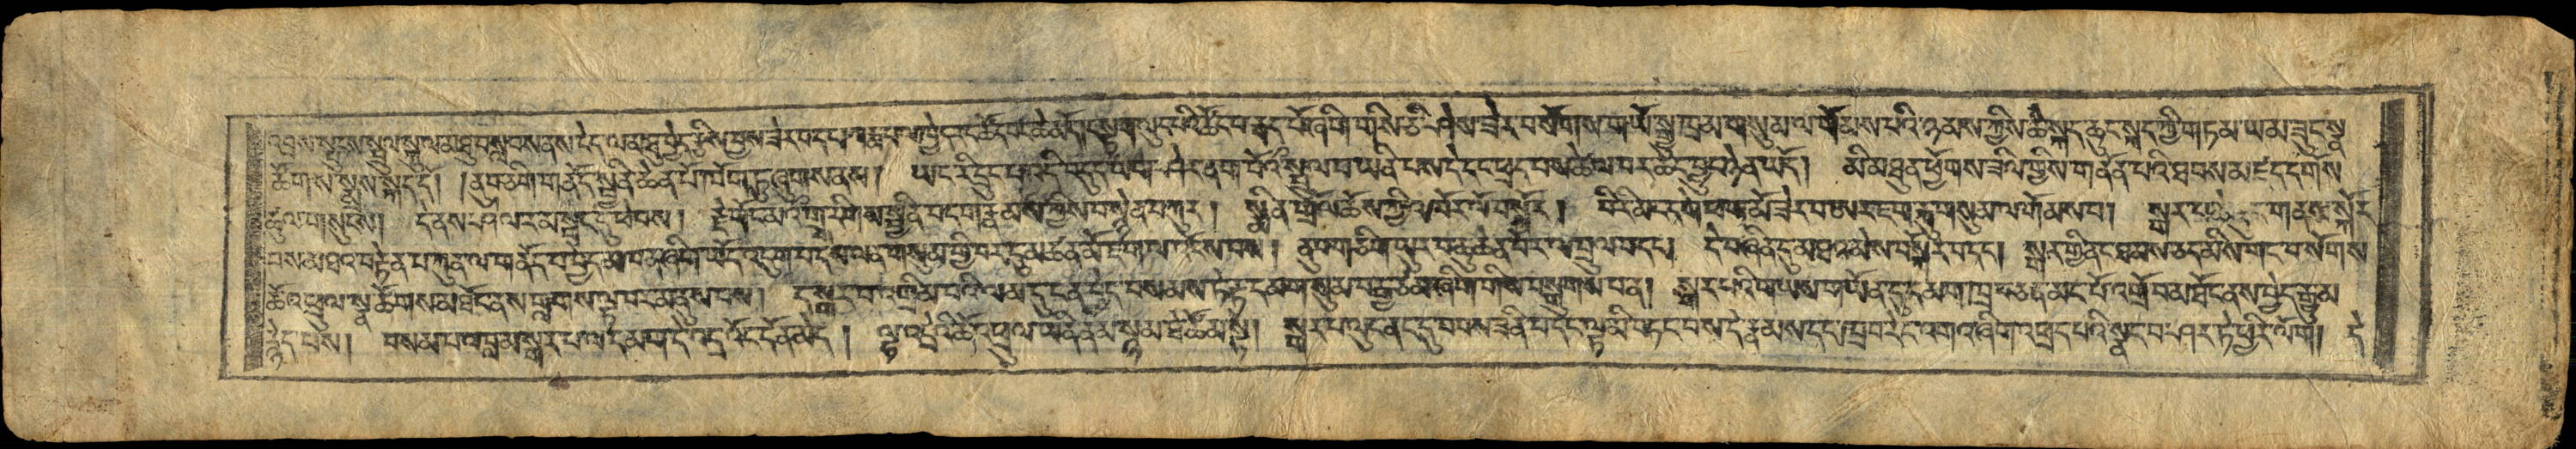འབྲས་སྤུངས་སྤྲུལ་སྐུ་ལ་མཐུ་བསླབས་ནས་ངེད་ལ་མཐུ་བྱེད་རྩིས་བྱས་ཟེར་བ་དང་། ཀརྨ་པ་ལ་ཁྱེད་རང་ཚོ་དབང་ཆེ་མོད། ང་སྟག་ལུང་པའི་ཚེད་པ་རྒད་པོ་ཞིག་གིས་ཅི་ཤེས་ཟེར་བ་སོགས་གཡོ་སྒྱུ་ཁྲམ་གསུམ་ལ་གོམས་པའི་ཉམས་ཀྱིས་ཆེ་སྐད་ཆུང་སྐད་ཀྱི་གཏམ་ཡ་མ་ཟུང་སྣ་
ཚོགས་སྨྲས་སྐད་དོ། །ནུབ་ཅིག་གནོད་སྦྱིན་ཆེན་པོ་ཁོག་ཏུ་ཞུགས་ནས། ཡང་རི་དྲུང་པ་འདི་བདུད་ཡག་ཤེར་ནག་པོཨཱྀ་སྤྲུལ་པ་ཡིན་པས་དེ་དང་ཕྲད་པས་ཚེལ་བར་ཆད་བྱུང་ཉེན་ཡོད། མི་མཐུན་ཕྱོགས་ཟིལ་གྱིས་གནོན་པའི་ཐབས་མཛད་དགོས་
ཚུལ་གསུངས། དེ་ནས་ཤེལ་ར་མ་སྒང་དུ་ཕེབས། རྗེ་གོང་མཱྀ་གྲྭ་རིགས་སྦྱིན་བདག་རྣམས་ཀྱིས་བསྙེན་བཀུར། སྨིན་གྲོལ་ཆོས་ཀྱི་འཁོར་ལོ་བསྐོར། བི་རི་མང་དགེ་ཕག་མོ་ཟེར་བ་ཨར་ཇག་རྐུ་གསུམ་ལ་གོམས་པ། སྒར་པ་ཆེ་ཆུང་གནས་སྐོར་
བས་མཐའ་བརྟེན་པ་ཀུན་ལ་གནོད་པ་བྱེད་མཁན་ཞིག་ཡོད་འདུག་པ་དེས་ལན་གསུམ་གྱི་བར་དུ་མཚན་མོ་ཇག་ལ་འོངས་པས། ནུབ་གཅིག་ཡུར་བ་ཆུ་ཆེན་པོར་འཁྲུལ་བ་དང་། དེ་བཞིན་དུ་མཐའ་མེས་བསྐོར་བ་དང་། སྒར་གྱི་ནང་ཐམས་ཅད་མིས་གང་བ་སོགས་
ཆོ་འཕྲུལ་སྣ་ཚོགས་མཐོང་ནས་གླགས་ལྟ་བར་མ་ནུས་པས། ད་སྒར་པ་འགྲིམ་པའི་ལམ་དུ་ངན་བྱེད་བསམས་ཏེ་རྟ་དམག་སུམ་བརྒྱ་ཙམ་ཞིག་གིས་བསྒྲུགས་པ་ན། སྒར་པའི་གཡས་གཡོན་དུ་དམག་ཁྲབ་ཅན་མང་པོ་འགྲོ་བ་མཐོང་ནས་བྱེད་རྒྱུ་མ་
རྙེད་པས། བསམ་པ་ལ་བླ་མ་སྒར་པ་ལ་དམག་དེ་འདྲ་འོང་དོན་མེད། ལྷ་འདྲེའི་ཆོ་འཕྲུལ་ཡིན་ནམ་སྙམ་ཐེ་ཚོམ་སྟེ། སྒར་པ་ལུང་ནང་དུ་བབས་ཟིན་པ་དང་ལྟ་མི་བཏང་བས་དེ་རྣམས་དང་ཁྲབ་རེང་འགའ་ཞིག་འཕྲད་པའི་སྣང་བ་ཤར་ཏེ་ཕྱིར་ལོག། དེ་